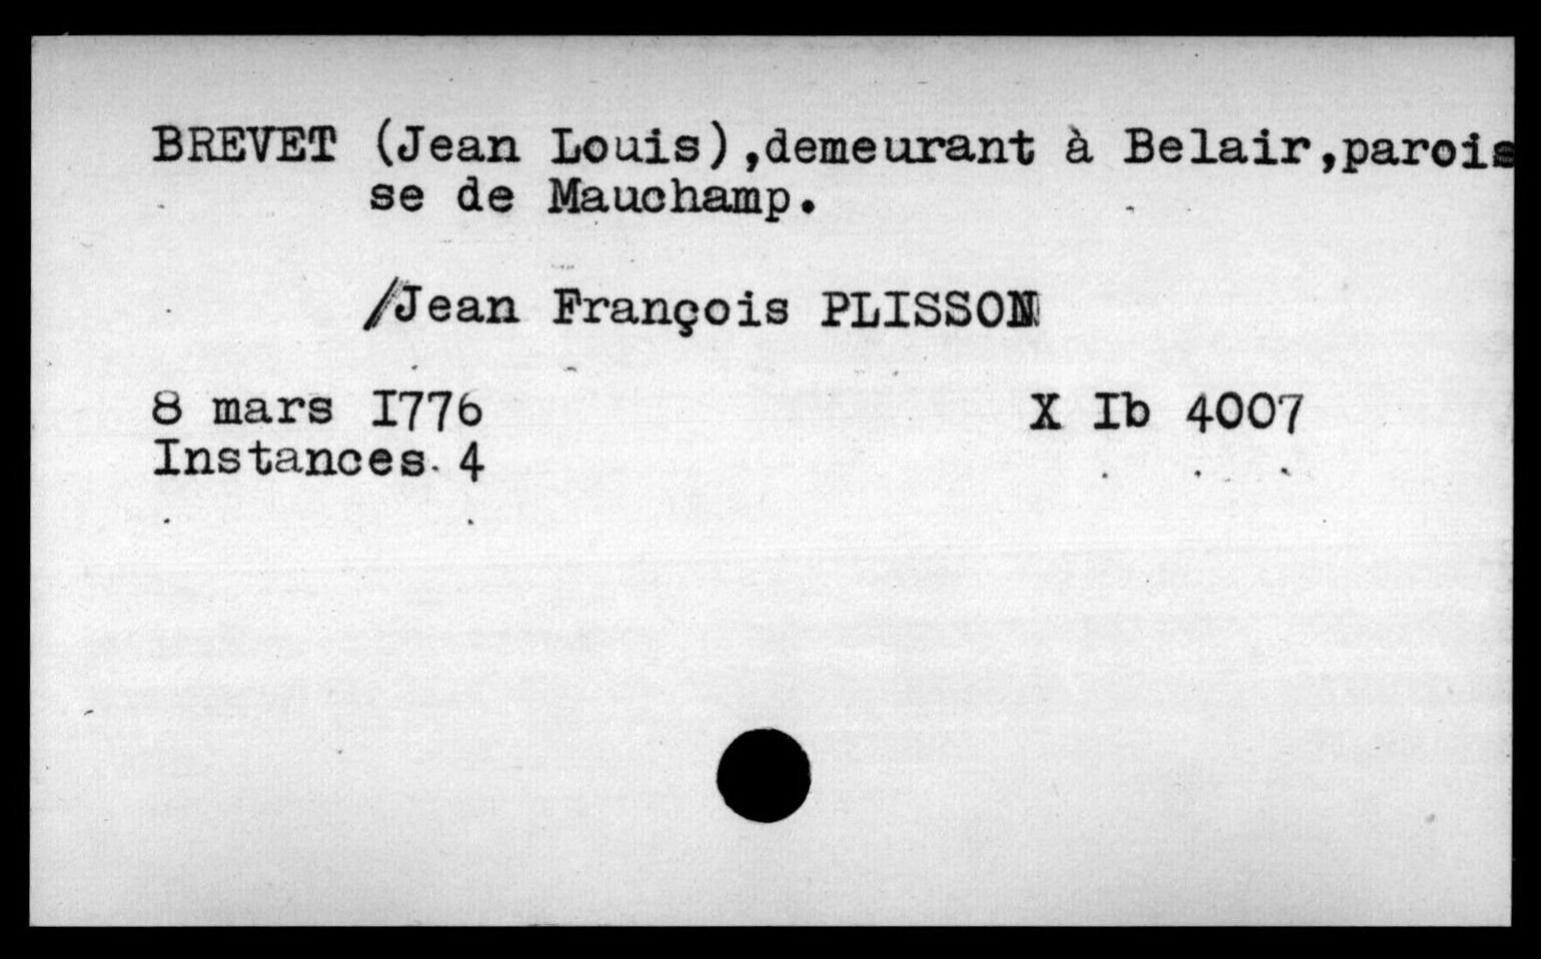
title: BREVET (Jean Louis), demeurant à Belair, paroisse de Mauchamp.
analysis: Contre Jean François PLISSON
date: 8 mars 1776
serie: X1b
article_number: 4007
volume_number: Instances, 4
